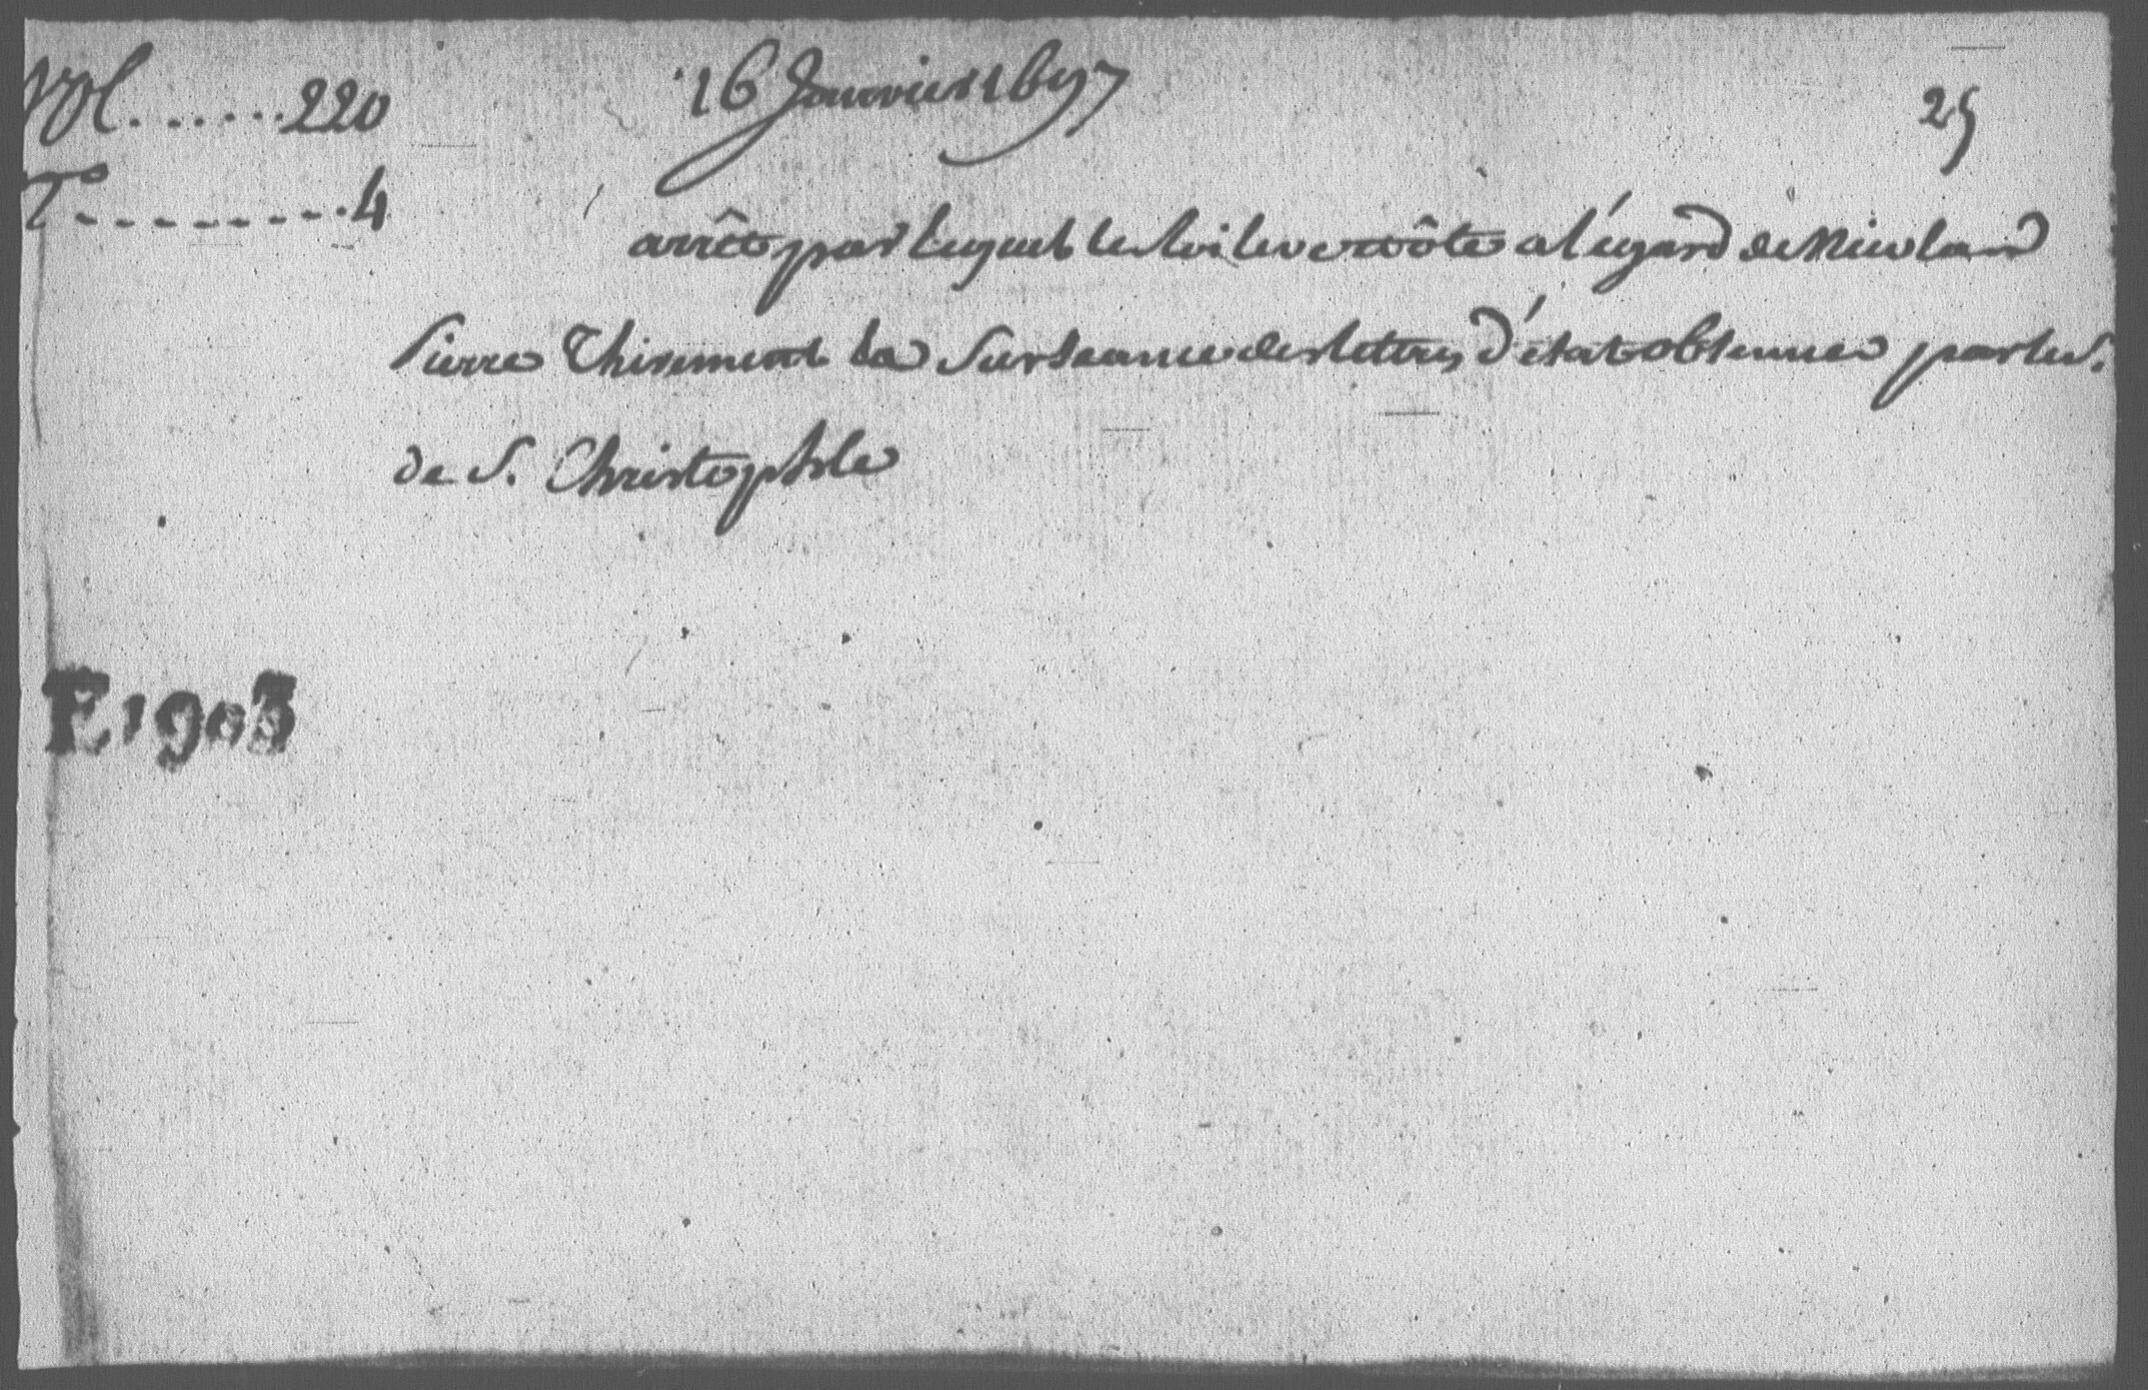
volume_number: n°4
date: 16 janvier 1697
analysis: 25
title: arrêt par lequel le Roi leve et ôte a l'egard de Nicolas Pierre Thirement la surseance des lettres d'etat obtenues par le S. de S. Christophle
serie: E
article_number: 1903
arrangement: vol. 220
